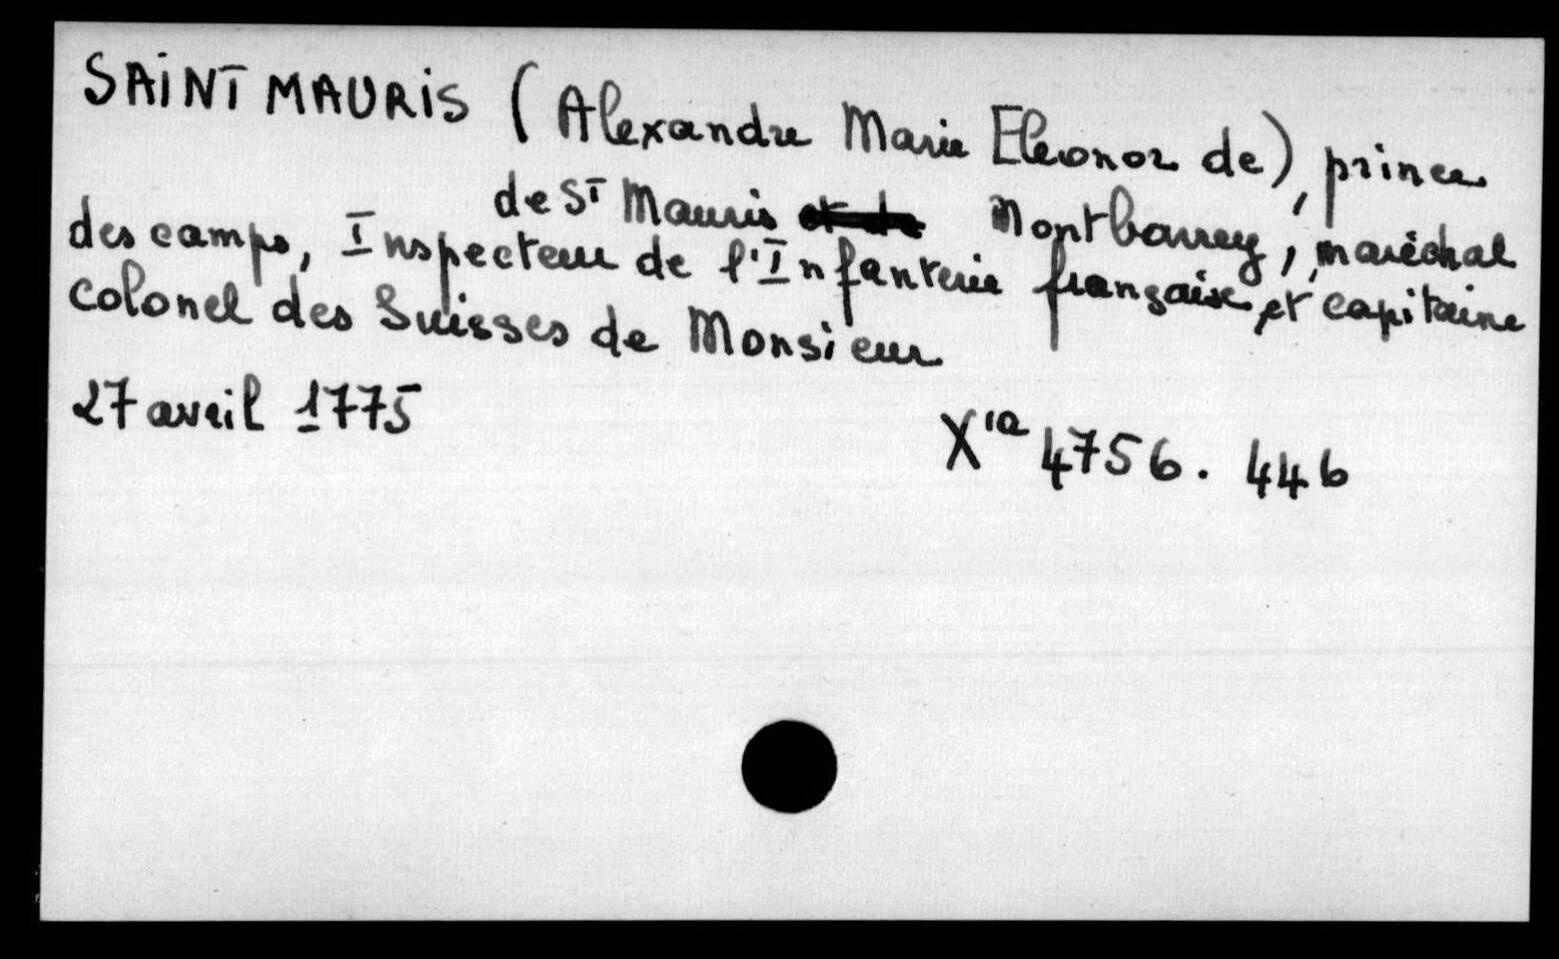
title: SAINT MAURIS (Alexandre Marie Eléonor de), prince de Saint-Mauris Montbarrey, maréchal des camps, Inspecteur de l'Infanterie française, et capitaine colonel des Suisses de Monsieur
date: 27 avril 1775
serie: X1a
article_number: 4756
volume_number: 446
